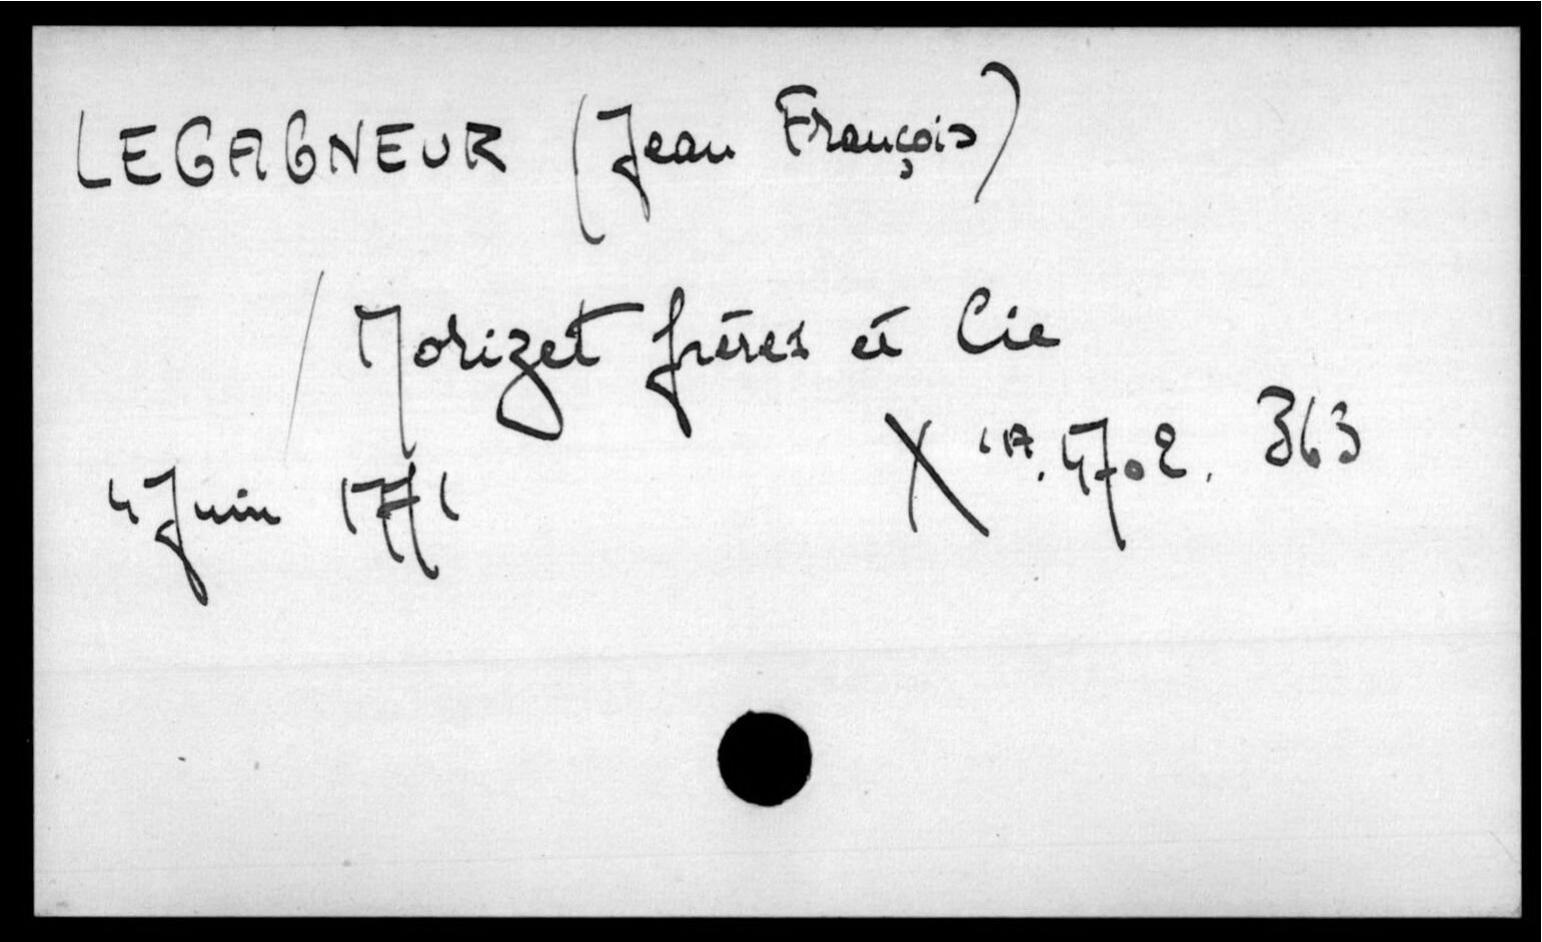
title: LEGAGNEUR (Jean François)
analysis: Contre Morizet frères et Cie
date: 4 juin 1771
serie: X1A
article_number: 4702
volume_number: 363
